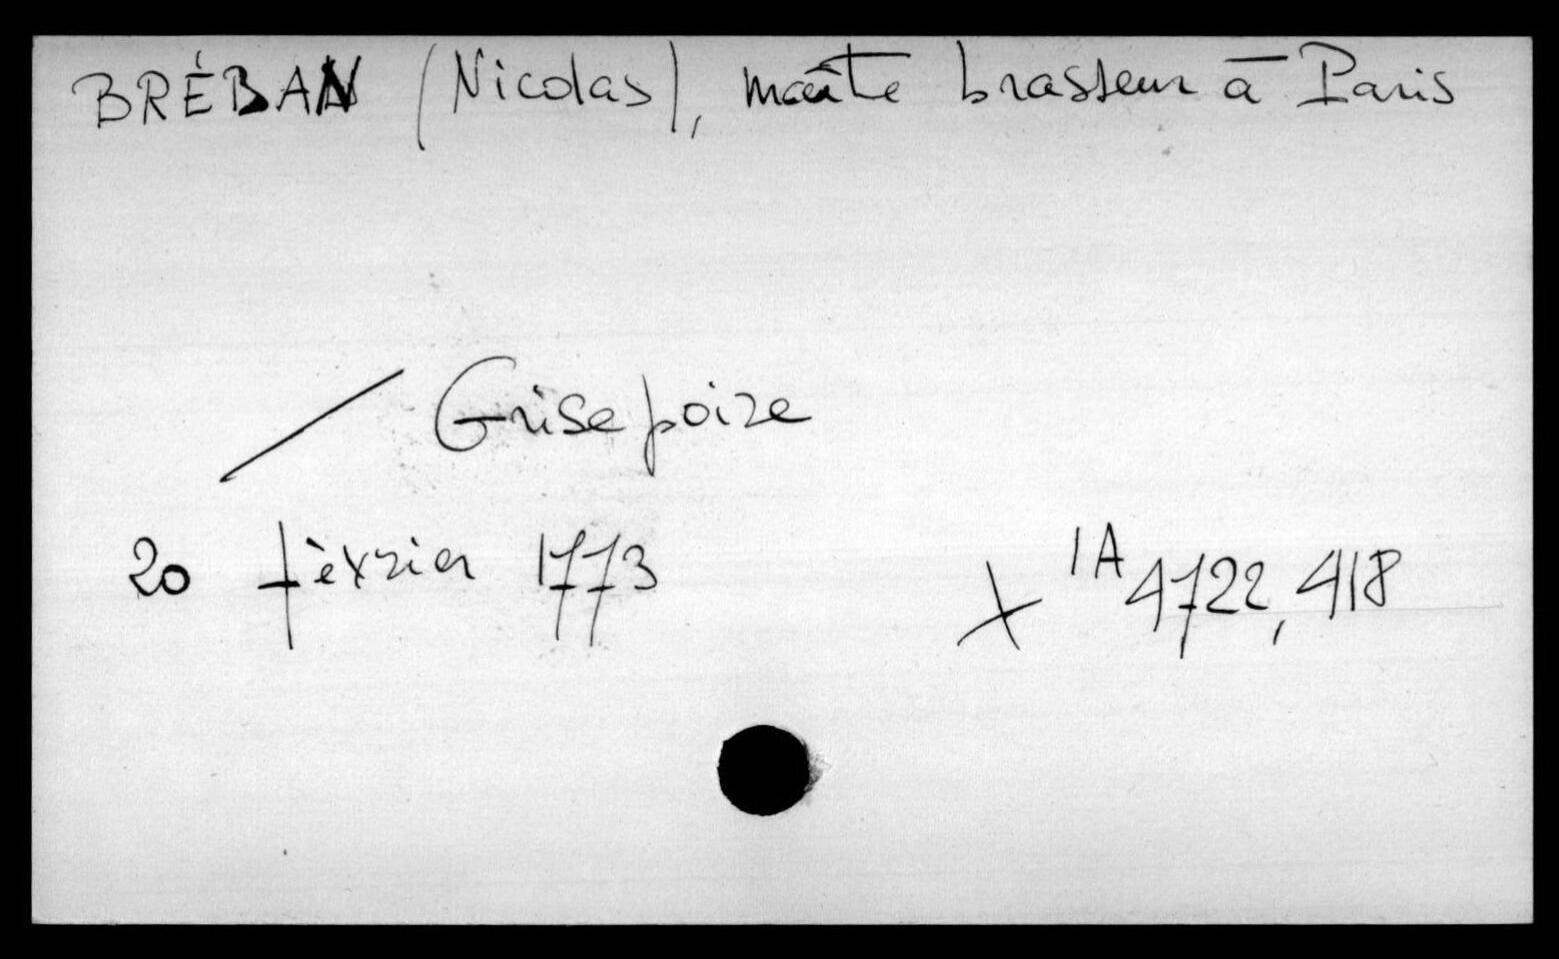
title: BRÉBAN (Nicolas), maître brasseur à Paris
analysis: Contre Grisepoire
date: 20 février 1773
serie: X1A
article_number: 4722
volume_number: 418
